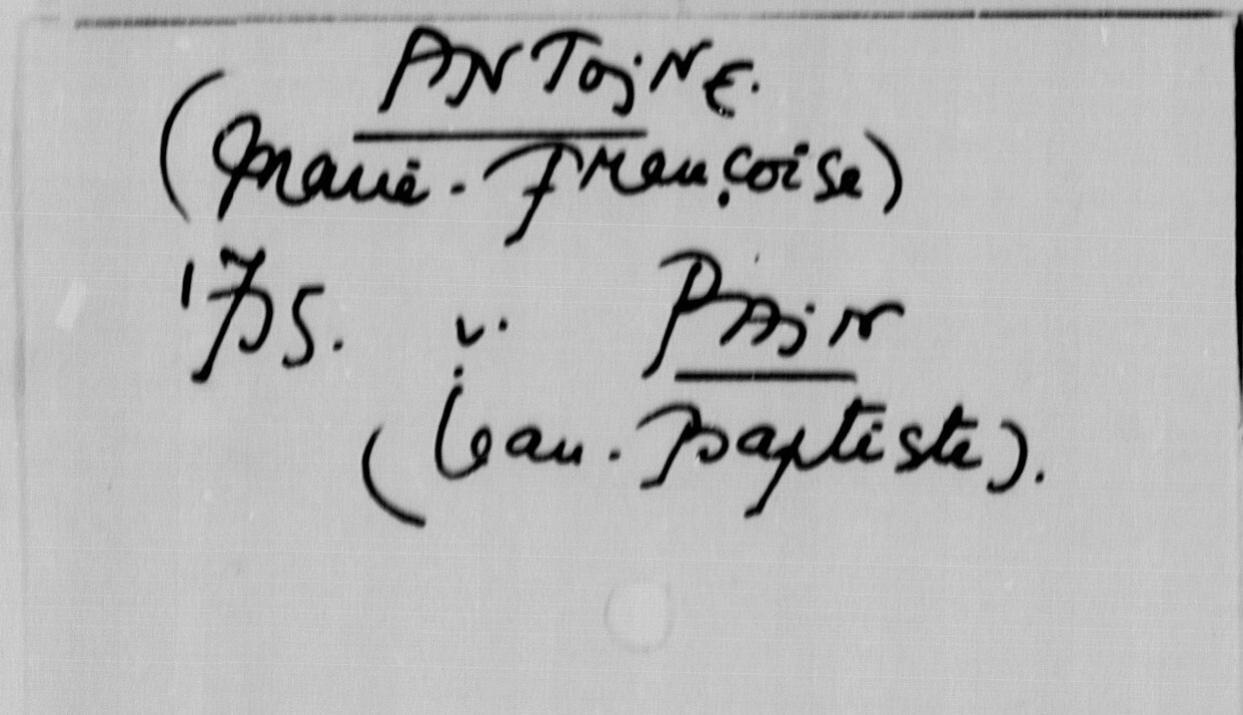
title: ANTOINE (Marie-Françoise)
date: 1705
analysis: Voir PAIN (Jean-Baptiste)
